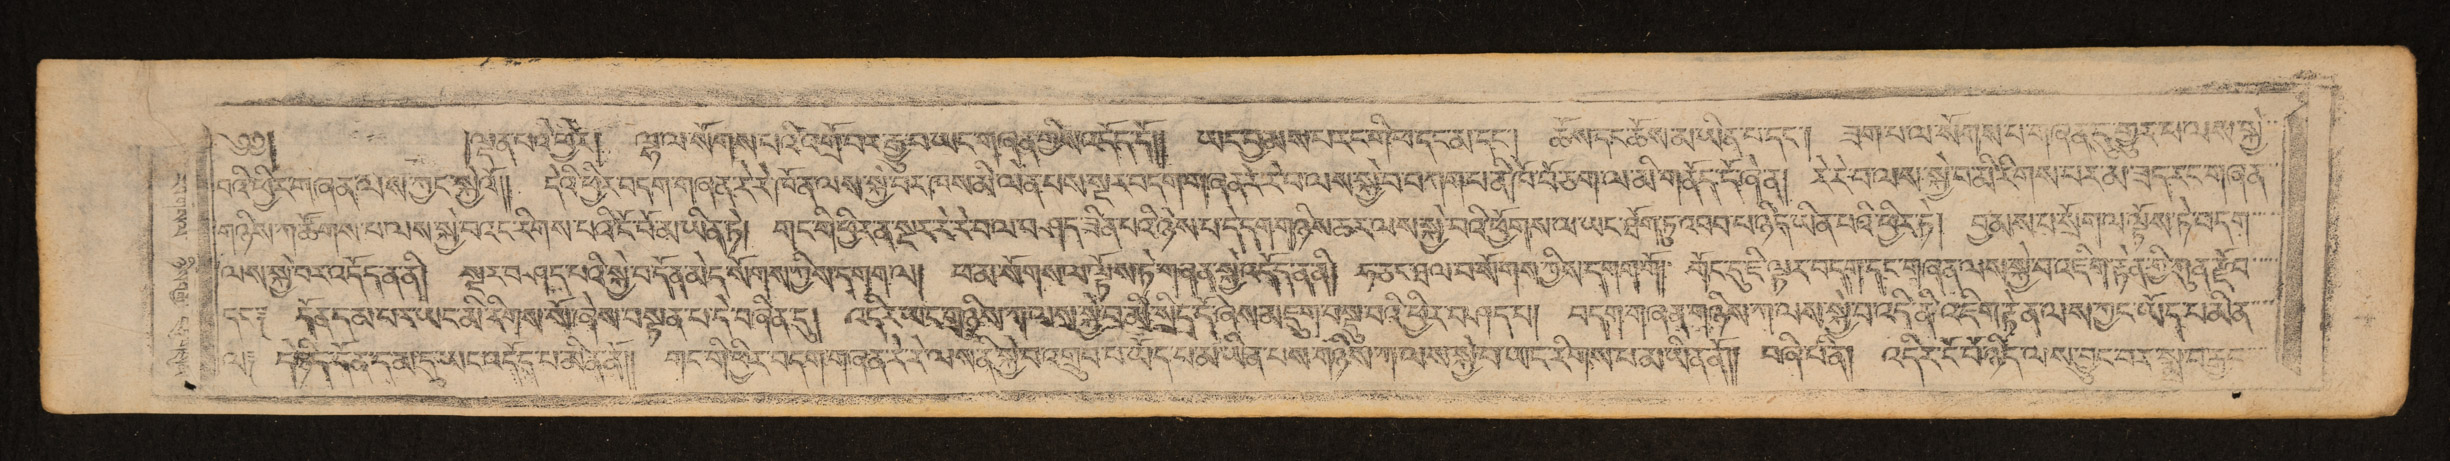༄༅། །ལྡན་པའི་ཕྱིར། ལྷ་ལ་སོགས་པའི་འགྲོ་བར་རྒྱུ་བ་ཡང་གཞན་གྱིས་འདོད་དོ།། ཡང་བྱམས་པ་རང་གི་ཕ་དང་མ་དང་། ཆོས་དང་ཆོས་མ་ཡིན་པ་དང་། ཟག་པ་ལ་སོགས་པ་གཞན་དུ་གྱུར་པ་ལས་སྐྱེ་
བའི་ཕྱིར་གཞན་ལས་ཀྱང་སྐྱེའོ།། དེའི་ཕྱིར་བདག་གཞན་རེ་རེ་ཁོ་ན་ལས་སྐྱེ་བར་ཁས་མི་ལེན་པས་སྔར་བདག་གཞན་རེ་རེ་བ་ལས་སྐྱེ་བ་བཀག་པ་ནི་ཁོ་བོ་ཅག་ལ་མི་གནོད་དོ་ཞེ་ན། རེ་རེ་བ་ལས་སྐྱེ་བ་མི་རིགས་པར་མ་ཟད་རང་གཞན་
གཉིས་ཀ་ཚོགས་པ་ལས་སྐྱེ་བའང་རིགས་པའི་ངོ་བོ་མ་ཡིན་ཏེ། གང་གི་ཕྱིར་ན་སྔར་རེ་རེ་བ་ལ་བཤད་ཟིན་པའི་ཉེས་པ་དེ་དག་གཉིས་ཆར་ལས་སྐྱེ་བའི་ཕྱོགས་ལ་ཡང་ཐོག་ཏུ་འབབ་པ་ཉིད་ཡིན་པའི་ཕྱིར་ཏེ། བྱམས་པ་སྲོག་ལ་ལྟོས་ཏེ་བདག་
ལས་སྐྱེ་བར་འདོད་ན་ནི། སྔར་བཤད་པའི་སྐྱེ་བ་དོན་མེད་སོགས་ཀྱིས་དགག་ལ། ཕ་མ་སོགས་ལ་ལྟོས་ཏེ་གཞན་སྐྱེ་འདོད་ན་ནི། ཧ་ཅང་ཐལ་བ་སོགས་ཀྱིས་དགག་གོ། གོང་དུ་ཇི་ལྟར་བདག་དང་གཞན་ལས་སྐྱེ་བ་འཇིག་རྟེན་གྱི་ཀུན་རྫོབ་
དང༑ དོན་དམ་པར་ཡང་མི་རིགས་སོ་ཞེས་བསྟན་པ་དེ་བཞིན་དུ། འདིར་ཡང་གཉིས་ཀ་ལས་སྐྱེ་བ་མི་སྲིད་དོ་ཞེས་མཇུག་བསྡུ་བའི་ཕྱིར་བཤད་པ། བདག་གཞན་གཉིས་ཀ་ལས་སྐྱེ་བ་འདི་ནི་འཇིག་རྟེན་ལས་ཀྱང་ཡོད་པ་མིན་
ལ༑ དེ་ཉིད་དོན་དམ་དུ་ཡང་འདོད་པ་མིན་ནོ།། གང་གི་ཕྱིར་བདག་གཞན་རེ་རེ་ལས་ནི་སྐྱེ་བ་འགྲུབ་པ་ཡོད་པ་མ་ཡིན་པས་གཉིས་ཀ་ལས་སྐྱེ་བ་ཡང་རིགས་པ་མ་ཡིན་ནོ།། བཞི་པ་ནི། འདིར་ངོ་བོ་ཉིད་ལས་བྱུང་བར་སྨྲ་བ་རྒྱང་